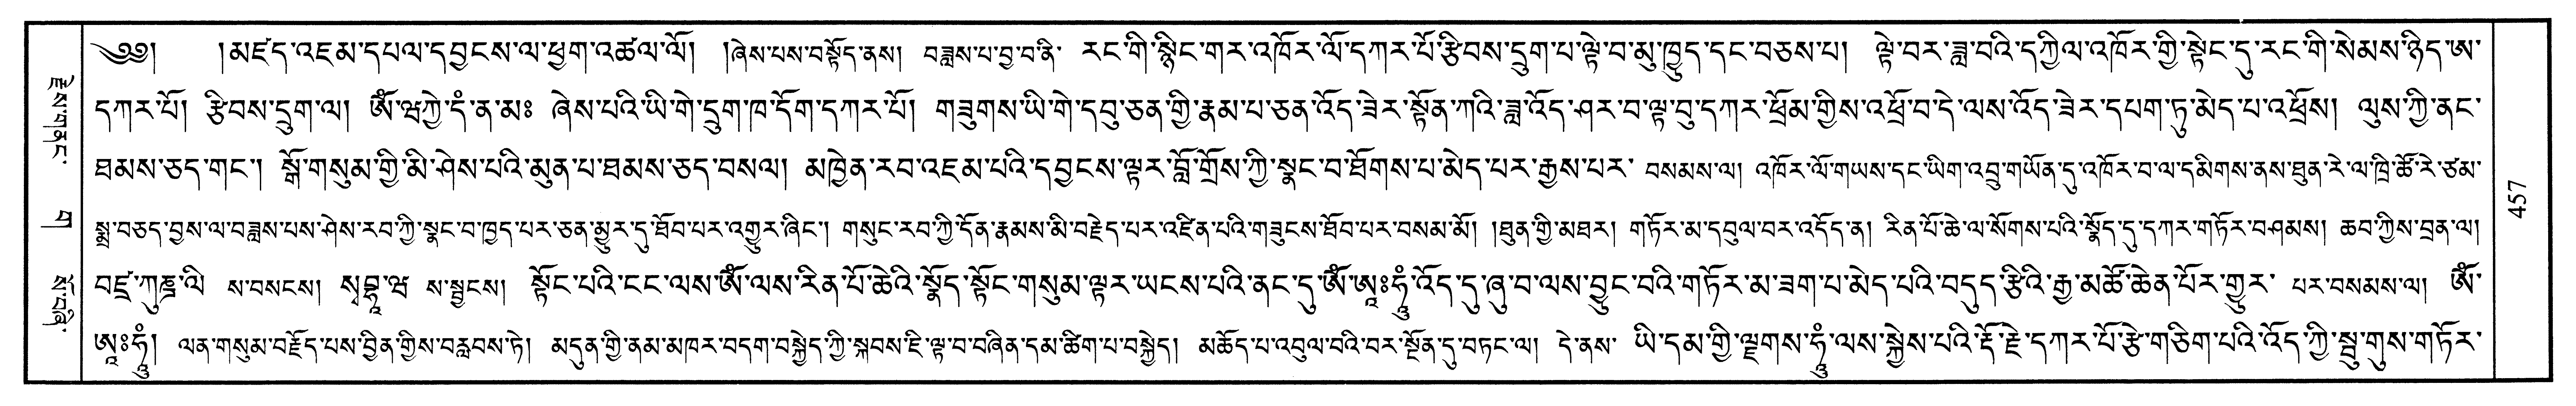༄༅། །མཛད་འཇམ་དཔལ་དབྱངས་ལ་ཕྱག་འཚལ་ལོ། །ཞེས་པས་བསྟོད་ནས། བཟླས་པ་བྱ་བ་ནི་རང་གི་སྙིང་གར་འཁོར་ལོ་དཀར་པོ་རྩིབས་དྲུག་པ་ལྟེ་བ་མུ་ཁྱུད་དང་བཅས་པ། ལྟེ་བར་ཟླ་བའི་དཀྱིལ་འཁོར་གྱི་སྟེང་དུ་རང་གི་སེམས་ཉིད་ཨ་
དཀར་པོ། རྩིབས་དྲུག་ལ། ཨོཾ་ཝ་ཀྱེ་དཾ་ན་མཿ ཞེས་པའི་ཡི་གེ་དྲུག་ཁ་དོག་དཀར་པོ། གཟུགས་ཡི་གེ་དབུ་ཅན་གྱི་རྣམ་པ་ཅན་འོད་ཟེར་སྟོན་ཀའི་ཟླ་འོད་ཤར་བ་ལྟ་བུ་དཀར་ཕྲོམ་གྱིས་འཕྲོ་བ་དེ་ལས་འོད་ཟེར་དཔག་ཏུ་མེད་པ་འཕྲོས། ལུས་ཀྱི་ནང་
ཐམས་ཅད་གང་། སྒོ་གསུམ་གྱི་མི་ཤེས་པའི་མུན་པ་ཐམས་ཅད་བསལ། མཁྱེན་རབ་འཇམ་པའི་དབྱངས་ལྟར་བློ་གྲོས་ཀྱི་སྣང་བ་ཐོགས་པ་མེད་པར་རྒྱས་པར་བསམས་ལ། འཁོར་ལོ་གཡས་དང་ཡིག་འབྲུ་གཡོན་དུ་འཁོར་བ་ལ་དམིགས་ནས་ཐུན་རེ་ལ་ཁྲི་ཚོ་རེ་ཙམ་
སྨྲ་བཅད་བྱས་ལ་བཟླས་པས་ཤེས་རབ་ཀྱི་སྣང་བ་ཁྱད་པར་ཅན་མྱུར་དུ་ཐོབ་པར་འགྱུར་ཞིང་། གསུང་རབ་ཀྱི་དོན་རྣམས་མི་བརྗེད་པར་འཛིན་པའི་གཟུངས་ཐོབ་པར་བསམ་མོ། །ཐུན་གྱི་མཐར། གཏོར་མ་དབུལ་བར་འདོད་ན། རིན་པོ་ཆེ་ལ་སོགས་པའི་སྣོད་དུ་དཀར་གཏོར་བཤམས། ཆབ་ཀྱིས་བྲན་ལ།
བཛྲ་ཀུཎྜ་ལི་ས་བསངས། སྭབྷཱ་ཝ་ས་སྦྱངས། སྟོང་པའི་ངང་ལས་ཨོཾ་ལས་རིན་པོ་ཆེའི་སྣོད་སྟོང་གསུམ་ལྟར་ཡངས་པའི་ནང་དུ་ཨོཾ་ཨཱཿ ཧཱུཾ་འོད་དུ་ཞུ་བ་ལས་བྱུང་བའི་གཏོར་མ་ཟག་པ་མེད་པའི་བདུད་རྩིའི་རྒྱ་མཚོ་ཆེན་པོར་གྱུར་པར་བསམས་ལ། ཨོཾ་
ཨཱཿ ཧཱུཾ། ལན་གསུམ་བརྗོད་པས་བྱིན་གྱིས་བརླབས་ཏེ། མདུན་གྱི་ནམ་མཁར་བདག་བསྐྱེད་ཀྱི་སྐབས་ཇི་ལྟ་བ་བཞིན་དམ་ཚིག་པ་བསྐྱེད། མཆོད་པ་འབུལ་བའི་བར་སྔོན་དུ་བཏང་ལ། དེ་ནས་ཡི་དམ་གྱི་ལྗགས་ཧཱུཾ་ལས་སྐྱེས་པའི་རྡོ་རྗེ་དཀར་པོ་རྩེ་གཅིག་པའི་འོད་ཀྱི་སྦུ་གུས་གཏོར་